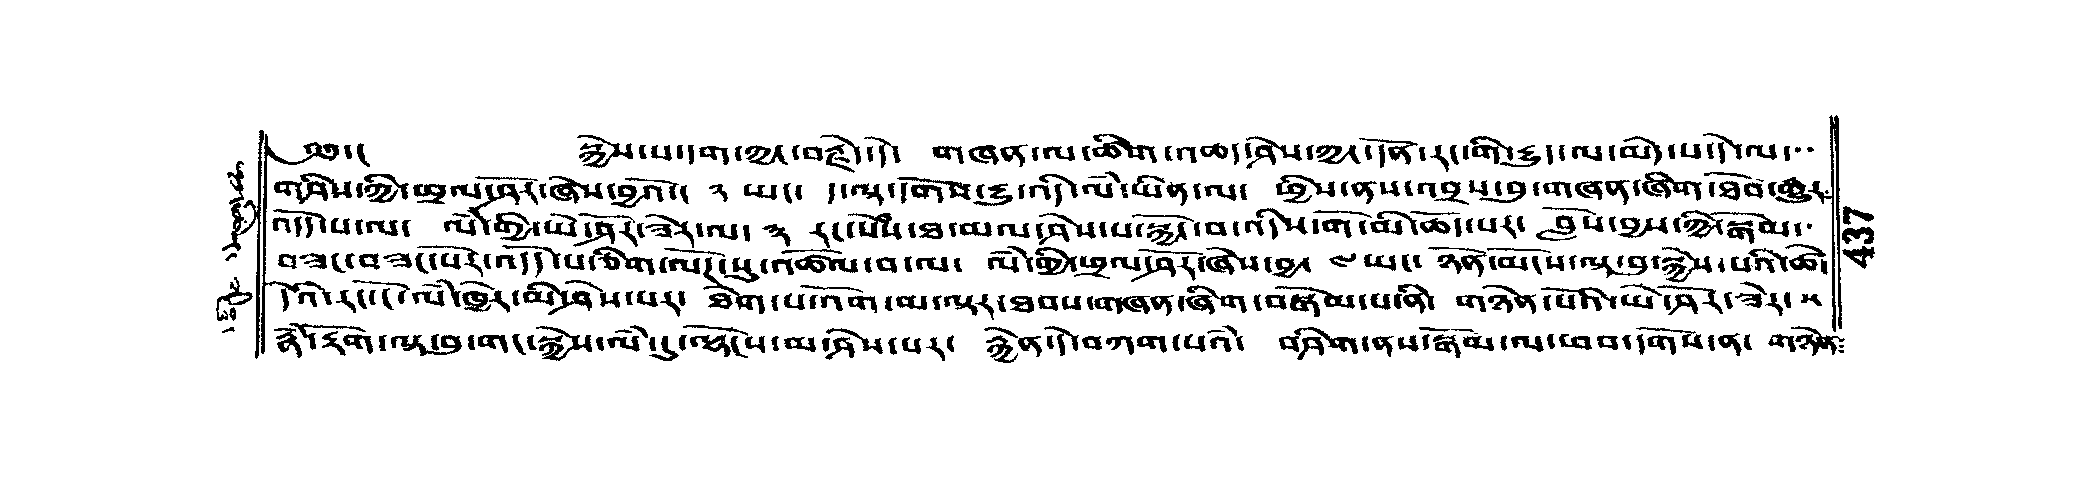སྐྱེས་པ་དག་ཀྱང་བརྗེད་དེ། གཞན་ལ་ཚིག་འཆད་ཤེས་ཀྱང་དོན་རང་གི་རྒྱུད་ལ་མེད་པ་དེ་ལ་
གཤིས་ཀྱི་ཕྲལ་ཤོར་ཞེས་བྱའོ། ཡང་། ད་ལྟ་དགོས་རྒྱུ་འདི་ལམ་ཡིན་ལ། ཕྱིས་ནས་འབྲས་བུ་གཞན་ཞིག་ཐོབ་གྱུར་
འདོད་པ་ལ། ལམ་གྱི་ཡེ་ཤོར་ཟེར་ལ། རང་སེམས་ཐ་མལ་ཤེས་པ་སྐྱོང་བ་འདིས་གོ་མི་ཆོད་པར། བློས་བྱས་ཀྱི་སྒོམ་
བཟང་བཟང་པོར་འདོད་པ་གཅིག་ལོགས་སུ་འཚོལ་བ་ལ།ལམ་གྱི་ཕྲལ་ཤོར་ཞེས་བྱ། ཡང་། ཉོན་མོངས་ལྟ་བུ་སྐྱེས་པའི་ཚེ་
དེའི་རང་ངོ་ལམ་ཁྱེར་མི་ཤེས་པར། ཐེག་པ་འོག་མ་ལྟར་ཐབས་གཞན་ཞིག་བསྒོམ་པ་ནི། གཉེན་པོའི་ཡེ་ཤོར་ཟེར། 
རྣམ་རྟོག་ལྟ་བུ་གང་སྐྱེས་ལམ་དུ་ལྷོངས་མ་ཤེས་པར། རྐྱེན་དེ་བཀག་པའམ། བཤིག་ནས་སྒོམ་ལ་ཕབ་དགོས་ན། གཉེན་